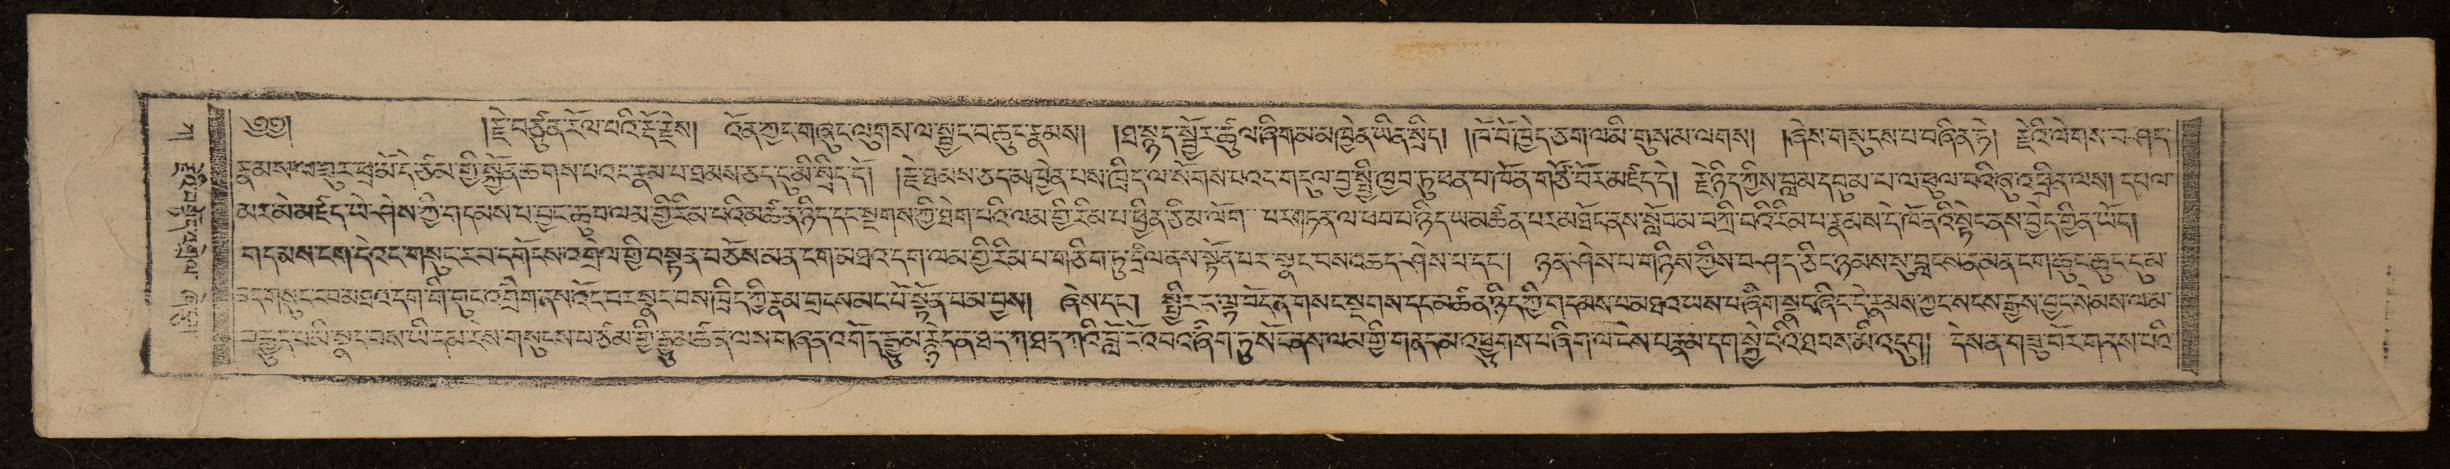༄༅། །རྗེ་བཙུན་རོལ་བའི་རྡོ་རྗེས། འོན་ཀྱང་གཞུང་ལུགས་ལ་སྦྱང་བ་ཆུང་རྣམས། །ཐ་སྙད་སྦྱོར་ཚུལ་ཞིག་མ་མཁྱེན་ཡིན་སྲིད། །ཁོ་བོ་ཁྱེད་ཅག་ལ་མི་གསུམ་ལགས། །ཞེས་གསུངས་པ་བཞིན་ཏེ། རྗེའི་ལེགས་བཤད་
རྣམས་ལ་ཟུར་ཕྲ་མོ་དེ་ཙམ་གྱི་སྐྱོན་ཆགས་པའང་རྣམ་པ་ཐམས་ཅད་དུ་མི་སྲིད་དོ། །རྗེ་ཐམས་ཅད་མཁྱེན་པས་ཁྲིད་ལ་སོགས་པའང་གདུལ་བྱ་སྤྱི་ཁྱབ་ཏུ་ཕན་པ་ཁོ་ན་གཙོ་བོར་མཛད་དེ། རྗེ་ཉིད་ཀྱིས་བླ་མ་དབུ་མ་པ་ལ་ཕུལ་བའི་ཞུ་འཕྲིན་ལས། དཔལ་
མར་མེ་མཛད་ཡེ་ཤེས་ཀྱི་གདམས་བ་བྱང་ཆུབ་ལམ་གྱི་རིམ་པའི་མཚན་ཉིད་དང་སྔགས་ཀྱི་ཐེག་པའི་ལམ་གྱི་རིམ་བ་ཕྱིན་ཅི་མ་ལོག་པར་གཏན་ལ་ཕབ་པ་ཉིད་ཡ་མཚན་པར་མཐོང་ནས་སློབ་མ་བཀྲི་བའི་རིམ་པ་རྣམས་དེ་ཁོ་ནའི་སྟེང་ནས་བྱེད་ཀྱིན་ཡོད།
གདམས་ངག་དེའང་གསུང་རབ་དགོངས་འགྲེལ་གྱི་བསྟན་བཅོས་མན་ངག་མཐའ་དག་ལམ་གྱི་རིམ་བ་གཅིག་ཏུ་དྲིལ་ནས་སྟོན་པར་སྣང་བས་འཆད་ཤེས་པ་དང་། ཉན་ཤེས་པ་གཉིས་ཀྱིས་བཤད་ཅིང་ཉམས་སུ་བླངས་ན་མན་ངག་ཆུང་ཆུང་དུ་མ་
ཟད་གསུང་རབ་མཐའ་དག་གི་གུང་འགྲིག་ནས་འོང་བར་སྣང་བས་ཁྲིད་ཀྱི་རྣམ་གྲངས་མང་པོ་སྟོན་པ་མ་བྱས། ཞེས་དང་། སྤྱིར་ད་ལྟ་བོད་ན་གསང་སྔགས་དང་མཚན་ཉིད་ཀྱི་གདམས་པ་མཐའ་ཡས་བ་ཞིག་སྣང་ཞིང་དེ་རྣམས་ཀྱང་སངས་རྒྱས་བྱང་སེམས་ལམ་
བརྒྱུད་བ་མི་སྣང་བས་ཡིད་མ་རེས་གསུངས་པ་ཙམ་གྱི་རྒྱུ་མཚན་ལས་གཞན་འགོད་རྒྱུ་མ་རྙེད་ན་ཐད་ཀ་ཐད་ཀའི་བློ་ངོ་འབའ་ཞིག་ཏུ་སོང་ནས་ལམ་གྱི་གནད་མ་འཕྱུགས་བ་ཞིག་ལ་ངེས་པ་རྣམ་དག་སྐྱེ་བའི་ཐབས་མི་འདུག། དེས་ན་གཟུ་བོར་གནས་པའི་